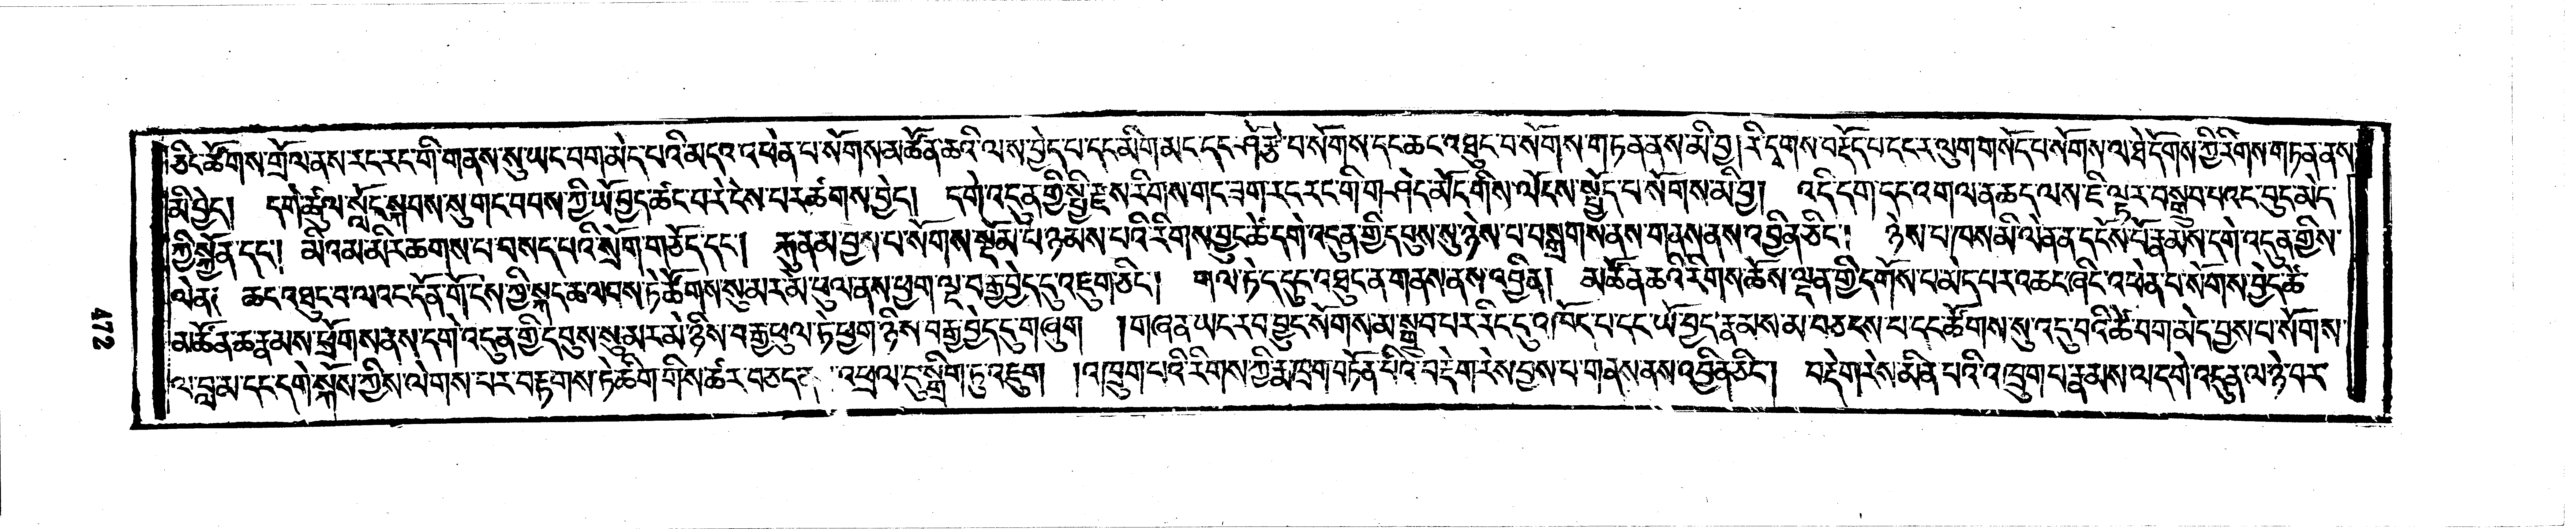ཅིང་ཚོགས་གྲོལ་ནས་རང་རང་གི་གནས་སུ་ཡང་བག་མེད་པའི་མདའ་འཕེན་པ་སོགས་མཚོན་ཆའི་ལས་བྱེད་པ་དང་མིག་མང་དང་ཤོ་རྩེ་བ་སོགས་དང་ཆང་འཐུང་བ་སོགས་གཏན་ནས་མི་བྱ། རི་དྭགས་བརྡོད་པ་དང་ར་ལུག་གསོད་པ་སོགས་ལ་ཐེ་དོགས་ཀྱི་རིགས་གཏན་ནས་
མི་བྱེད། དགེ་ཚུལ་སློང་སྐབས་སུ་གང་བབས་ཀྱི་ཡོ་བྱད་ཚང་བ་རེ་ངེས་པར་ཚགས་བྱེད། དགེ་འདུན་གྱི་སྤྱི་རྫས་རིགས་གང་ཟག་རང་རང་གི་གཤེད་མོད་གིས་ལོངས་སྤྱོད་པ་སོགས་མི་བྱ། འདི་དག་དང་འགལ་ན་ཆད་ལས་ཇི་ལྟར་བསྒྲུབ་པའང་བུད་མེད་
ཀྱི་སྐྱོན་དང་། མིའམ་མིར་ཆགས་པ་བསད་པའི་སྲོག་གཅོད་དང་། རྐུན་མ་བྱས་པ་སོགས་སྡོམ་པ་ཉམས་པའི་རིགས་བྱུང་ཚེ་དགེ་འདུན་གྱི་དབུས་སུ་ཉེས་པ་བསྒྲགས་ནས་གནས་ནས་འབྱིན་ཅིང་། ཉེས་པ་ཁས་མི་ལེན་ན་དངོས་པོ་རྣམས་དགེ་འདུན་གྱིས་
ལེན༑ ཆང་འཐུང་བ་ལའང་དོན་གོ་ངེས་ཀྱི་སྐད་ཆ་ལབས་ཏེ་ཚོགས་སུ་མར་མེ་ཕུལ་ནས་ཕྱག་ལྔ་བརྒྱ་བྱེད་དུ་འཇུག་ཅིང་། གལ་ཏེ་ད་དུང་འཐུང་ན་གནས་ནས་འབྱིན། མཚོན་ཆའི་རིགས་ཆོས་ལྡན་གྱི་དགོས་པ་མེད་པར་འཆང་ཞིང་འཕེན་པ་སོགས་བྱེད་ཚེ་
མཚོན་ཆ་རྣམས་ཕྲོགས་ནས་དགེ་འདུན་གྱི་དབུས་སུ་མར་མེ་ཉིས་བརྒྱ་ཕུལ་ཏེ་ཕྱག་ཉིས་བརྒྱ་བྱེད་དུ་གཞུག །གཞན་ཡང་རབ་བྱུང་སོགས་མ་སྒྲུབ་པར་རིང་དུ་འཁོད་པ་དང་ཡོ་བྱད་རྣམས་མ་བཅངས་པ་དང་ཚོགས་སུ་འདུ་བའི་ཚེ་བག་མེད་བྱས་པ་སོགས་
ལ་བླ་མ་དང་དགེ་སྐོས་ཀྱིས་ལེགས་པར་བརྟགས་ཏེ་ཚིག་གིས་ཚར་བཅད་ནས་འཕྲལ་དུ་སྒྲིག་ཏུ་འཇུག །འཁྲུག་པའི་རིགས་ཀྱི་རྨ་ཁྲག་བཏོན་པའི་བརྡེག་རེས་བྱས་པ་གནས་ནས་འབྱིན་ཅིང་། བརྡེག་རེས་མིན་པའི་འཁྲུག་པ་རྣམས་ལ་དགེ་འདུན་ལ་ཉེ་བར་